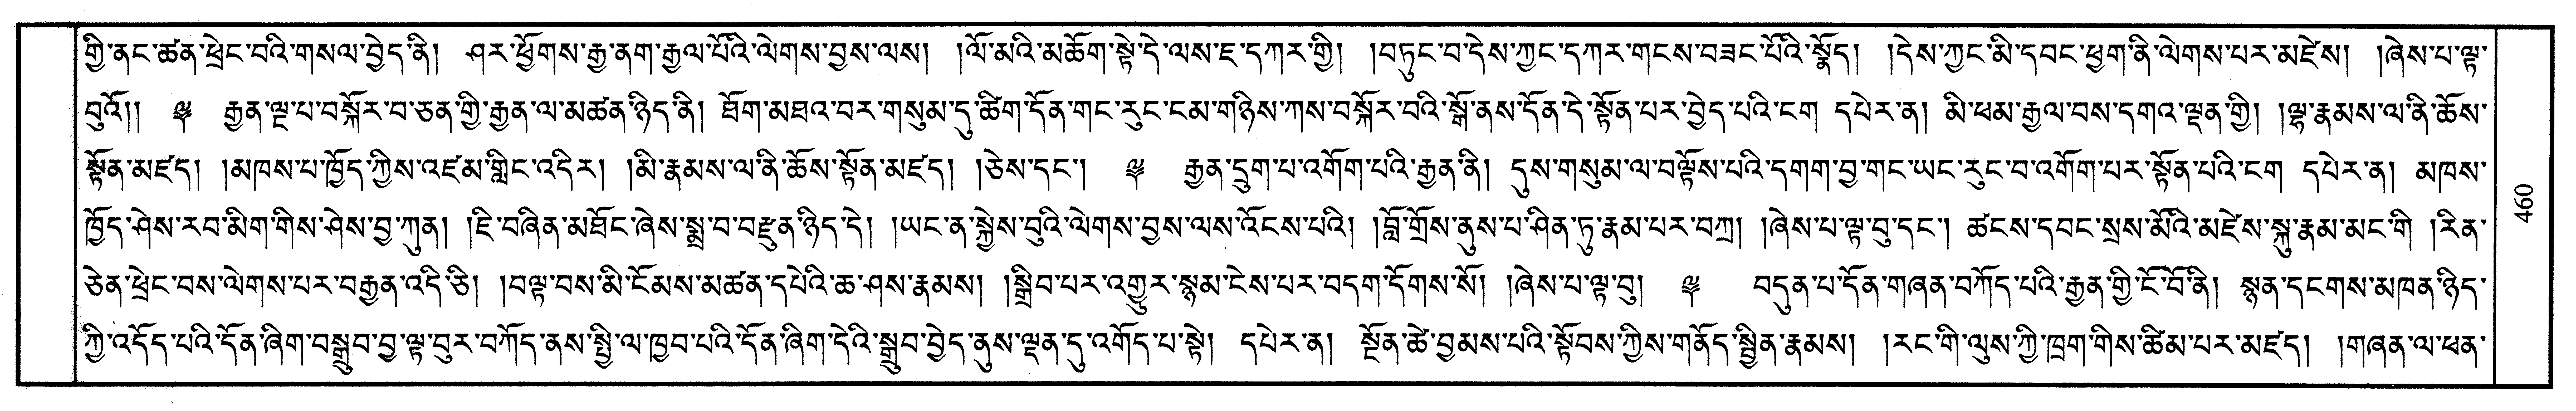གྱི་ནང་ཚན་ཕྲེང་བའི་གསལ་བྱེད་ནི། ཤར་ཕྱོགས་རྒྱ་ནག་རྒྱལ་པོའི་ལེགས་བྱས་ལས། །ལོ་མའི་མཆོག་སྟེ་དེ་ལས་ཇ་དཀར་གྱི། །བཏུང་བ་དེས་ཀྱང་དཀར་གངས་བཟང་པོའི་སྣོད། །དེས་ཀྱང་མི་དབང་ཕྱག་ནི་ལེགས་པར་མཛེས། །ཞེས་པ་ལྟ་
བུའོ།། ༈ རྒྱན་ལྔ་པ་བསྐོར་བ་ཅན་གྱི་རྒྱན་ལ་མཚན་ཉིད་ནི། ཐོག་མཐའ་བར་གསུམ་དུ་ཚིག་དོན་གང་རུང་ངམ་གཉིས་ཀས་བསྐོར་བའི་སྒོ་ནས་དོན་དེ་སྟོན་པར་བྱེད་པའི་ངག་དཔེར་ན། མི་ཕམ་རྒྱལ་བས་དགའ་ལྡན་གྱི། །ལྷ་རྣམས་ལ་ནི་ཆོས་
སྟོན་མཛད། །མཁས་པ་ཁྱོད་ཀྱིས་འཛམ་གླིང་འདིར། །མི་རྣམས་ལ་ནི་ཆོས་སྟོན་མཛད། །ཅེས་དང་། ༈ རྒྱན་དྲུག་པ་འགོག་པའི་རྒྱན་ནི། དུས་གསུམ་ལ་བལྟོས་པའི་དགག་བྱ་གང་ཡང་རུང་བ་འགོག་པར་སྟོན་པའི་ངག་དཔེར་ན། མཁས་
ཁྱོད་ཤེས་རབ་མིག་གིས་ཤེས་བྱ་ཀུན། །ཇི་བཞིན་མཐོང་ཞེས་སྨྲ་བ་བརྫུན་ཉིད་དེ། །ཡང་ན་སྐྱེས་བུའི་ལེགས་བྱས་ལས་འོངས་པའི། །བློ་གྲོས་ནུས་པ་ཤིན་ཏུ་རྣམ་པར་བཀྲ། །ཞེས་པ་ལྟ་བུ་དང་། ཚངས་དབང་སྲས་མོའི་མཛེས་སྐུ་རྣམ་མང་གི །རིན་
ཅེན་ཕྲེང་བས་ལེགས་པར་བརྒྱན་འདི་ཅི། །བལྟ་བས་མི་ངོམས་མཚན་དཔེའི་ཆ་ཤས་རྣམས། །སྒྲིབ་པར་འགྱུར་སྙམ་ངེས་པར་བདག་དོགས་སོ། །ཞེས་པ་ལྟ་བུ། ༈ བདུན་པ་དོན་གཞན་བཀོད་པའི་རྒྱན་གྱི་ངོ་བོ་ནི། སྙན་དངགས་མཁན་ཉིད་
ཀྱི་འདོད་པའི་དོན་ཞིག་བསྒྲུབ་བྱ་ལྟ་བུར་བཀོད་ནས་སྤྱི་ལ་ཁྱབ་པའི་དོན་ཞིག་དེའི་སྒྲུབ་བྱེད་ནུས་ལྡན་དུ་འགོད་པ་སྟེ། དཔེར་ན། སྔོན་ཚེ་བྱམས་པའི་སྟོབས་ཀྱིས་གནོད་སྦྱིན་རྣམས། །རང་གི་ལུས་ཀྱི་ཁྲག་གིས་ཚིམ་པར་མཛད། །གཞན་ལ་ཕན་